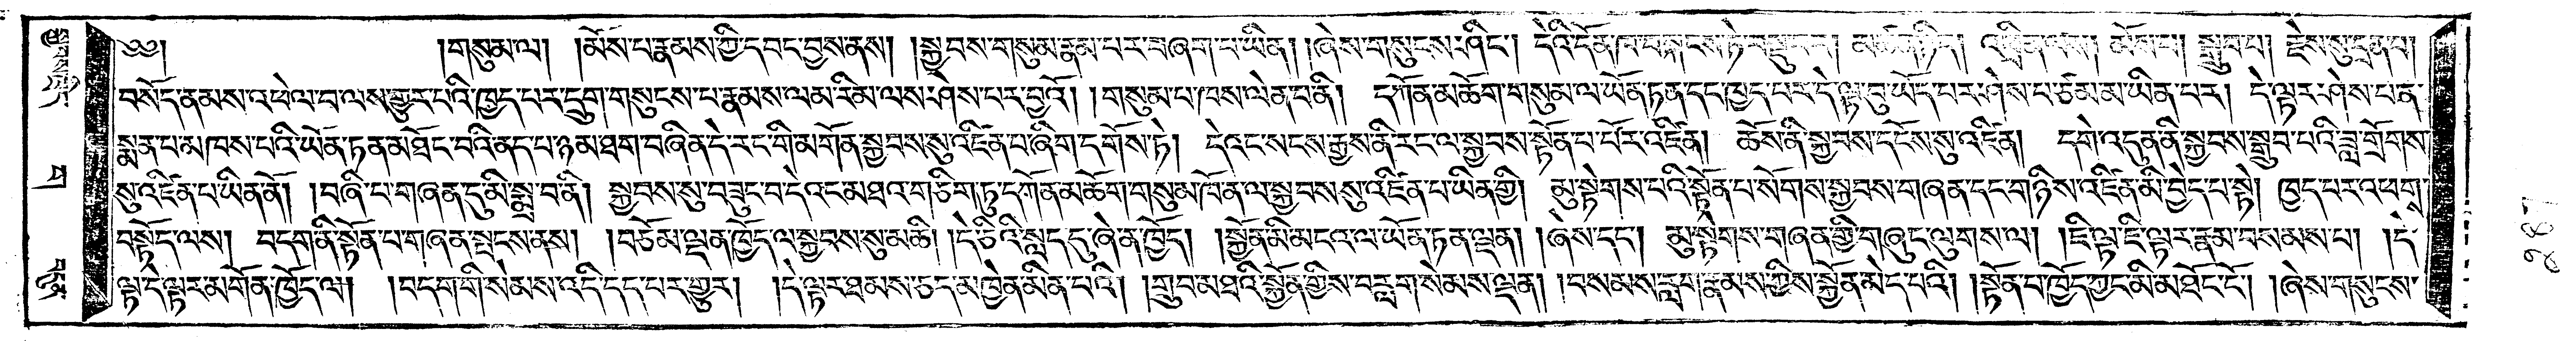༄༅། །གསུམ་ལ། །མོས་པ་རྣམས་ཀྱི་དབང་བྱས་ནས། །སྐྱབས་གསུམ་རྣམས་པར་བཞག་པ་ཡིན། །ཞེས་གསུངས་ཤིང་། དེའི་དོན་ཁ་བ་སྐངས་ཏེ་བསྡུ་བར། མཚན་ཉིད། འཕྲིན་ལས། མོས་པ། སྒྲུབ་པ། རྗེས་སུ་དྲན་པ།
བསོད་ནམས་འཕེལ་བ་ལས་གྱུར་བའི་ཁྱད་པར་དྲུག་གསུངས་པ་རྣམས་ལམ་རིམ་ལས་ཤེས་པར་བྱའོ། །གསུམ་པ་ཁས་ལེན་པ་ནི། དཀོན་མཆོག་གསུམ་ལ་ཡོན་ཏན་དང་ཁྱད་པར་དེ་ལྟ་བུ་ཡོད་པར་ཤེས་པ་ཙམ་མ་ཡིན་པར། དེ་ལྟར་ཤེས་པ་ན་
སྨན་པ་མཁས་པའི་ཡོན་ཏན་མཐོང་པའི་ནད་པ་ཉམ་ཐག་བཞིན་དེ་རང་གི་མགོན་སྐྱབས་སུ་འཛིན་པ་ཞིག་དགོས་ཏེ། དེའང་སངས་རྒྱས་ནི་རང་ལ་སྐྱབས་སྟོན་པ་པོར་འཛིན། ཆོས་ནི་སྐྱབས་དངོས་སུ་འཛིན། དགེ་འདུན་ནི་སྐྱབས་སྒྲུབ་པའི་ཟླ་གྲོགས་
སུ་འཛིན་པ་ཡིན་ནོ། །བཞི་པ་གཞན་དུ་མི་སྨྲ་བ་ནི། སྐྱབས་སུ་བཟུང་བ་དེའང་མཐའ་གཅིག་ཏུ་དཀོན་མཆོག་གསུམ་ཁོ་ན་ལ་སྐྱབས་སུ་འཛིན་པ་ཡིན་གྱི། མུ་སྟེགས་པའི་སྟོན་པ་སོགས་སྐྱབས་གཞན་དང་གཉིས་འཛིན་མི་བྱེད་པ་སྟེ། ཁྱད་པར་འཕགས་
བསྟོད་ལས། བདག་ནི་སྟོན་པ་གཞན་སྤངས་ནས། །བཅོམ་ལྡན་ཁྱོད་ལ་སྐྱབས་སུ་མཆི། །དེ་ཅིའི་སླད་དུ་ཞེ་ན་ཁྱོད། །སྐྱོན་མི་མངའ་ལ་ཡོན་ཏན་ལྡན། །ཞེས་དང་། མུ་སྟེགས་གཞན་གྱི་གཞུང་ལུགས་ལ། །ཇི་ལྟ་ཇི་ལྟར་རྣམ་བསམས་པ། །དེ་
ལྟ་དེ་ལྟར་མགོན་ཁྱོད་ལ། །བདག་གི་སེམས་འདི་དད་པར་གྱུར། །དེ་ལྟར་ཐམས་ཅད་མཁྱེན་མིན་པའི། །གྲུབ་མཐའི་སྐྱོན་གྱིས་བརླག་སེམས་ལྡན། །བསམས་རླག་རྣམས་ཀྱིས་སྐྱོན་མེད་པའི། །སྟོན་པ་ཁྱོད་ཀྱང་མི་མཐོང་ངོ། །ཞེས་གསུངས་